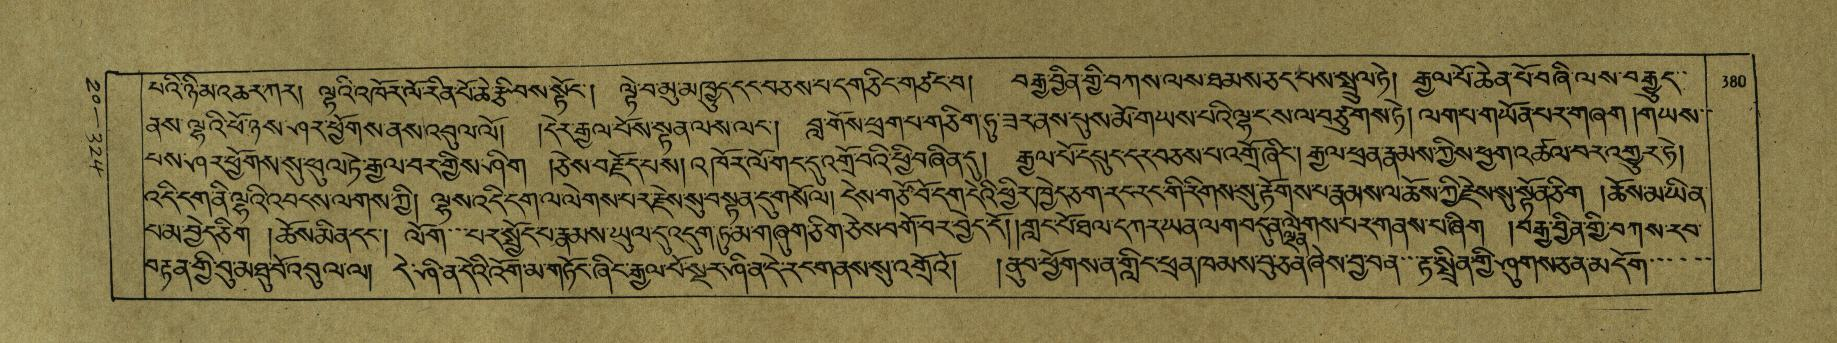པའི་ཉི་མ་འཆར་ཀར། ལྷའི་འཁོར་ལོ་རིན་པོ་ཆེ་རྩིབས་སྟོང་། ལྟེ་བ་མུ་མཁྱུད་དང་བཅས་པ་དག་ཅིང་གཙང་བ། བརྒྱ་བྱིན་གྱི་བཀས་ལས་ཐམས་ཅད་པས་སྤྲུལ་ཏེ། རྒྱལ་པོ་ཆེན་པོ་བཞི་ལས་བརྒྱུད་
ནས་ལྷའི་ཕོ་ཉས་ཤར་ཕྱོགས་ནས་འབུལ་ལོ། །དེར་རྒྱལ་པོས་སྟན་ལས་ལང་། བླ་གོས་ཕྲག་པ་གཅིག་ཏུ་ཟར་ནས་པུས་མོ་གཡས་པའི་ལྷ་ང་ས་ལ་བཙུགས་ཏེ། ལག་པ་གཡོན་པར་གཞག །གཡས་
པས་ཤར་ཕྱོགས་སུ་ཕུལ་ཏེ་རྒྱལ་བར་གྱིས་ཤིག །ཅེས་བརྗོད་པས། འཁོར་ལོ་གང་དུ་འགྲོ་བའི་ཕྱི་བཞིན་དུ། རྒྱལ་པོ་དཔུང་དར་བཅས་པ་འགྲོ་ཞིང་། རྒྱལ་ཕྲན་རྣམས་ཀྱིས་ཕྱག་འཚལ་བར་འགྱུར་ཏེ།
འདི་དག་ནི་ལྷའི་འབངས་ལགས་ཀྱི། ལྷས་འདི་དག་ལ་ལེགས་པར་རྗེས་སུ་བསྟན་དུ་གསོལ། དེས་གཙོ་བོ་དག་དེའི་ཕྱིར་ཁྱེད་ཅག་རང་རང་གི་རིགས་སུ་རྟོགས་པ་རྣམས་ལ་ཆོས་ཀྱི་རྗེས་སུ་སྟོན་ཅིག །ཆོས་མ་ཡིན་
པ་མ་བྱེད་ཅིག །ཆོས་མིན་དང་། ལོག་པར་སྤྱོད་པ་རྣམས་ཡུལ་དུ་འདུག་ཏུ་མ་གཞུག་ཅིག་ཅེས་བགོ་བར་བྱེད་དོ། །གླང་པོ་ཐལ་དཀར་ཡན་ལག་བདུན་ལྡན་ལེགས་པར་གནས་པ་ཞིག །བརྒྱ་བྱིན་གྱི་བཀས་རབ་
བརྟན་གྱི་བུ་མཐུ་བོ་འབུལ་ལ། དེ་ཤི་ན་དེའི་འོག་མ་གཏོང་ཞིང་རྒྱལ་པོ་སྔར་ཤི་ན་དེ་རང་གནས་སུ་འགྲོའོ། །ནུབ་ཕྱོགས་ན་གླིང་ཕྲན་ཁམས་བུ་ཅན་ཞེས་བྱ་བ་ན་རྟ་སྤྲིན་གྱི་ཤུགས་ཅན་མདོག་